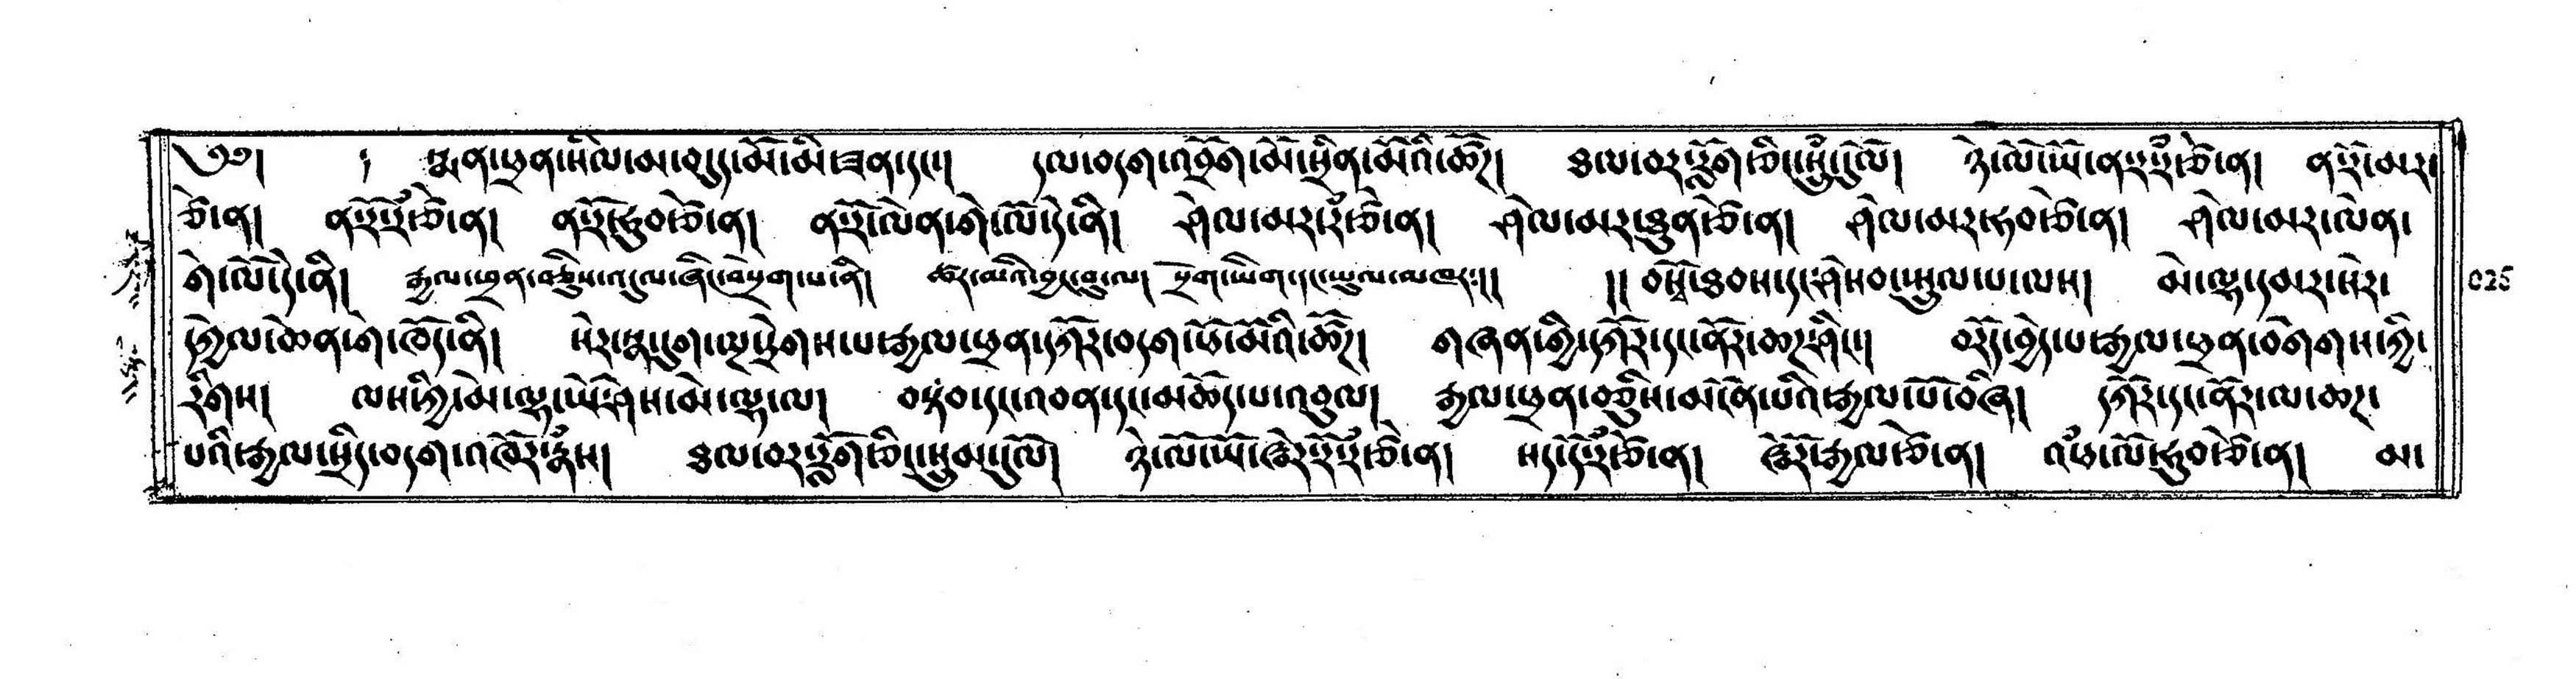སྨན་ཕྲན་སིལ་མ་བདུད་མོ་མི་ཟན་དང་། དལ་བདག་འབྲོག་མོ་སྲིན་མོའི་ཚོགས། ཐལ་བར་རློག་ཅིང་སྲུང་དུ་གསོལ། ཉེ་ལོ་ཡོ་ན་ར་རཾ་ཙེ་ན། ན་རོ་མར་
ཙེ་ན། ན་རོ་རཾ་ཙེ་ན། ན་རོ་ཧུབ་ཙེ་ན། ན་རོ་ལེན་གེ་ལོ་དེ་ནི། ཤེལ་མར་རཾ་ཙེ་ན། ཤེལ་མར་ཐུན་ཙེ་ན། ཤེལ་མར་ཧབ་ཙེ་ན། ཤེལ་མར་ལེན་
གེ་ལོ་དེ་ནི། རྒྱལ་ཕྲན་བཅུ་གཉིས་འདུལ་ཞིང་བསྲེག་པ་ནི། ཚར་མའི་བྱང་བུ་ལ། སྲོག་ཡིག་དང་ཡུལ་མཁར༴།། །།བསྭོ་ཐབས་དང་ཤེས་རབ་སྤྲུལ་པ་ལས། མེ་ལྷ་དམར་སེར་
དཀྱེལ་ཆེན་གེ་ཁོད་ནི། སེར་སྣ་དུག་ལྔ་དྲེགས་པ་རྒྱལ་ཕྲན་དཀོར་བདག་ཕོ་མོའི་ཚོགས། གཞན་གྱི་དཀོར་དང་ནོར་ཆགས་ཤིང་། བར་ཆོད་བྱེད་པ་རྒྱལ་ཕྲན་བགེགས་ཀྱི་
རིགས། ལས་ཀྱི་མེ་ལྷ་ཡེ་ཤེས་མེ་ལྷ་ལ། བསྟབ་དང་འབན་དང་མཆོད་པ་འབུལ། རྒྱལ་ཕྲན་བཅུ་གཉིས་མངོན་པའི་རྒྱལ་པོ་བཞི། དཀོར་དང་ནོར་ལ་ཆགས་
པའི་རྒྱལ་སྲིད་བདག་འཁོར་རྣམས། ཐལ་བར་རློག་ཅིང་སྲུང་དུ་གསོལ། ཉེ་ལོ་ཡོ་ཝེར་རོ་རཾ་ཙེ་ན། སད་དོ་རཾ་ཙེ་ན། ཝེར་རོ་རྒྱལ་ཙེ་ན། འཕམ་ལོ་ཧུབ་ཙེ་ན། མ་